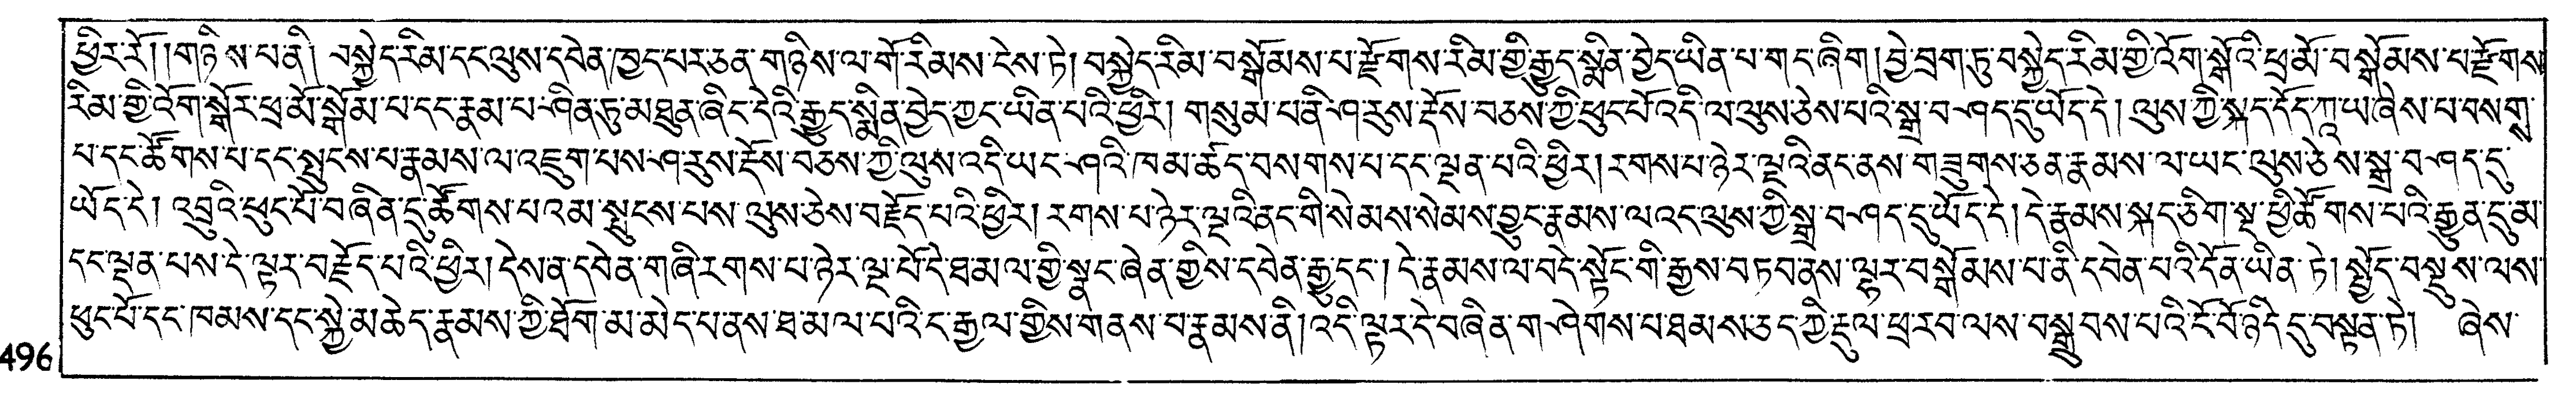ཕྱིར་རོ། །གཉིས་པ་ནི། བསྐྱེད་རིམ་དང་ལུས་དབེན་ཁྱད་པར་ཅན་གཉིས་ལ་གོ་རིམས་ངེས་ཏེ། བསྐྱེད་རིམ་བསྒོམས་པར་རྫོགས་རིམ་གྱི་རྒྱུད་སྨིན་བྱེད་ཡིན་པ་གང་ཞིག །བྱེ་བྲག་ཏུ་བསྐྱེད་རིམ་གྱི་འགོ་སྒོའི་ཕྲ་མོ་བསྒོམས་པ་རྫོགས་
རིམ་གྱི་འོད་སྒོར་ཕྲ་མོ་སྒོམ་པ་དང་རྣམ་པ་ཤིན་ཏུ་མཐུན་ཞིང་དེའི་རྒྱུད་སྨིན་བྱེད་ཀྱང་ཡིན་པའི་ཕྱིར། གསུམ་པ་ནི་ཤ་རུས་རྡོས་བཅས་ཀྱི་ཕུང་པོ་འདི་ལ་ལུས་ཅེས་པའི་སྒྲ་བཤད་དུ་ཡོད་དེ། ལུས་ཀྱི་སྐད་དོད་ཀཱ་ཡ་ཞེས་པ་བསགས་
པ་དང་ཚོགས་པ་དང་སྤུངས་པ་རྣམས་ལ་འཇུག་པས་ཤ་རུས་རྡོས་བཅས་ཀྱི་ལུས་འདི་ཡང་ཤའི་ཁམ་ཚད་བསགས་པ་དང་ལྡན་པའི་ཕྱིར། རགས་པ་ཉེར་ལྔའི་ནང་ནས་གཟུགས་ཅན་རྣམས་ལ་ཡང་ལུས་ཅེས་སྒྲ་བཤད་དུ་
ཡོད་དེ། འབྲུའི་ཕུང་པོ་བཞིན་དུ་ཚོགས་པའམ་སྤུངས་པས་ལུས་ཅེས་བརྗོད་པའི་ཕྱིར། རགས་པ་ཉེར་ལྔའི་ནང་གི་སེམས་སེམས་བྱུང་རྣམས་ལའང་ལུས་ཀྱི་སྒྲ་བཤད་དུ་ཡོད་དེ། དེ་རྣམས་སྐད་ཅིག་སྔ་ཕྱི་ཚོགས་པའི་རྒྱུན་དུ་མ་
དང་ལྡན་པས་དེ་ལྟར་བརྗོད་པའི་ཕྱིར། དེས་ན་དབེན་གཞི་རགས་པ་ཉེར་ལྔ་པོ་དེ་ཐ་མལ་གྱི་སྣང་ཞེན་གྱིས་དབེན་རྒྱུ་དང་། དེ་རྣམས་ལ་བདེ་སྟོང་གི་རྒྱས་བཏབ་ནས་ལྷར་བསྒོམས་པ་ནི་དབེན་པའི་དོན་ཡིན་ཏེ། སྤྱོད་བསྡུས་ལས་
ཕུང་པོ་དང་ཁམས་དང་སྐྱེ་མཆེད་རྣམས་ཀྱི་ཐོག་མ་མེད་པ་ནས་ཐ་མལ་པའི་ང་རྒྱལ་གྱིས་གནས་པ་རྣམས་ནི། འདི་ལྟར་དེ་བཞིན་གཤེགས་པ་ཐམས་ཅད་ཀྱི་རྡུལ་ཕྲ་རབ་ལས་བསྒྲུབས་པའི་ངོ་བོ་ཉིད་དུ་བསྟན་ཏེ། ཞེས་